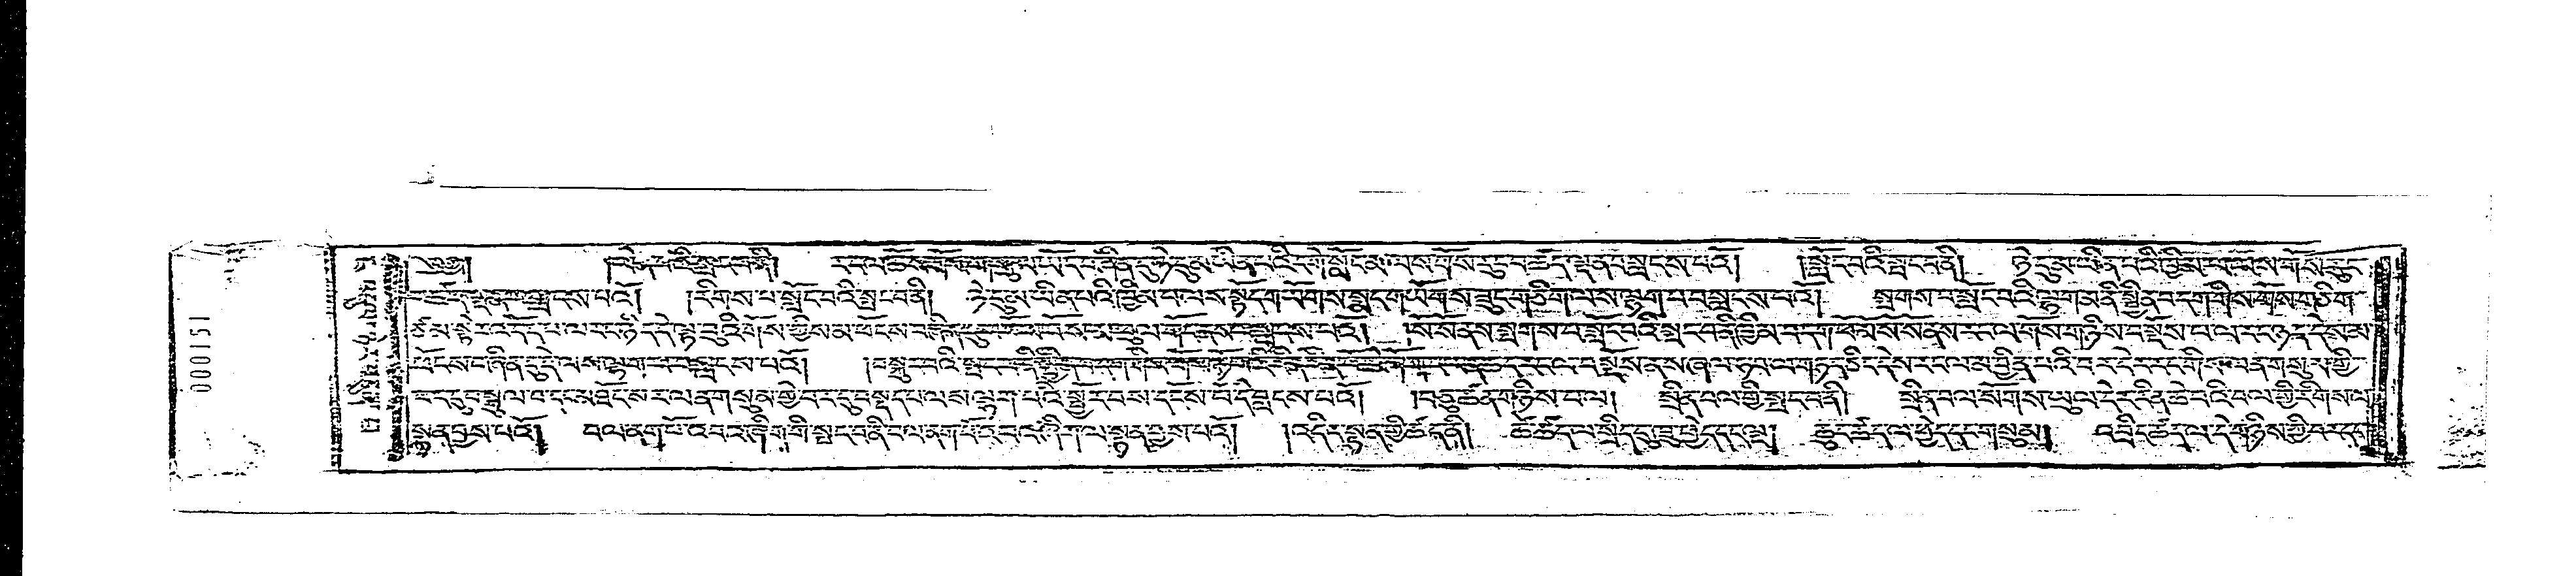༄༅། །? ཡིན་པའི་སྤང་བ་ནི། རང་ལ་ཆོས་གོས་གསུམ་ལ་ཡོད་བཞིན་དུ་ཉེ་དུ་མ་ཡིན་པའི་དགེ་སློང་མ་ལས་གོས་རུང་བ་ཚད་ལྡན་བསླངས་པའོ། །སློང་བའི་སྤང་བ་ནི། ཉེ་དུ་མ་ཡིན་པའི་ཁྱིམ་པ་ལས་གོས་རུང་
བ་ཚད་ལྡན་བསླངས་པའོ། །རིགས་པ་སློང་བའི་སྤང་བ་ནི། ཉེ་དུ་མ་ཡིན་པའི་ཁྱིམ་པ་ལས་སྟོད་གཡོགས་སྨད་གཡོགས་ཟུང་གཅིག་ལས་ལྷག་པར་བསླངས་པའོ། །སྤགས་པ་སློང་བའི་ལྷག་མ་ནི་སྦྱིན་བདག་གིས་གོས་གཅིག་
ཙམ་སྟེར་འདོད་པ་ལ་རང་ཉིད་དེ་ལྟ་བུའི་གོས་ཀྱིས་མ་ཕོངས་བཞིན་དུ་ཕ་རོལ་པོས་མ་ཕུལ་གོང་ནས་བསླངས་པའོ། །སོ་སོ་ནས་སྤགས་པ་སློང་བའི་སྤང་བ་ནི་ཁྱིམ་བདག་ཕོ་མོ་སོ་སོ་ནས་རང་ལ་གོས་གཉིས་བསྡོད་པ་ལ་རང་ཉིད་དེས་མ་
ཕོངས་བཞིན་དུ་དེ་ལས་ལྷག་པ་བསླངས་པའོ། །བསྐུར་བའི་སྤང་བ་ནི་སྦྱིན་བདག་གིས་གོས་རྟོག་རི་རིན་རིན་པོ་ཆེ་ཆད་?ཞོག་?་?་ན་ཆད་རང་ལ་བསྡོས་ནས་ཞལ་ཏ་བ་ལ་གཏད་ཅིང་དེས་རང་ལ་མ་བྱིན་པའི་བར་དེར་རང་གིས་ལན་གསུམ་གྱི་
བར་དུ་བསྒུལ་བ་དང་མཐོང་སར་ལན་གསུམ་གྱི་བར་དུ་བསྡད་པ་ལས་ལྷག་པའི་སྦྱོར་བས་དངོས་པོ་དེ་བླངས་པའོ། །བཅུ་ཚན་གཉིས་པ་ལ། སྲིན་བལ་གྱི་སྤང་བ་ནི། སྲིན་བལ་སོགས་ཡུལ་དེར་རིན་ཆེ་བའི་བལ་གྱི་རིགས་ལ་
སྙན་བྱས་པའོ། བལ་ནག་པོ་འབའ་ཞིག་གི་སྤང་བ་ནི་བལ་ནག་པོ་འབའ་ཞིག་ལ་སྟན་བྱས་པའོ། །འདིར་སྟན་གྱི་ཚད་ནི། ཚེ་ཚད་ལ་སྲིད་དུ་ཁྲུ་ཕྱེད་དང་ལྔ། ཆུང་ཚད་ལ་ཕྱེད་དང་གསུམ། འབྲིང་ཚད་ལ་དེ་གཉིས་ཀྱི་བར་དང་